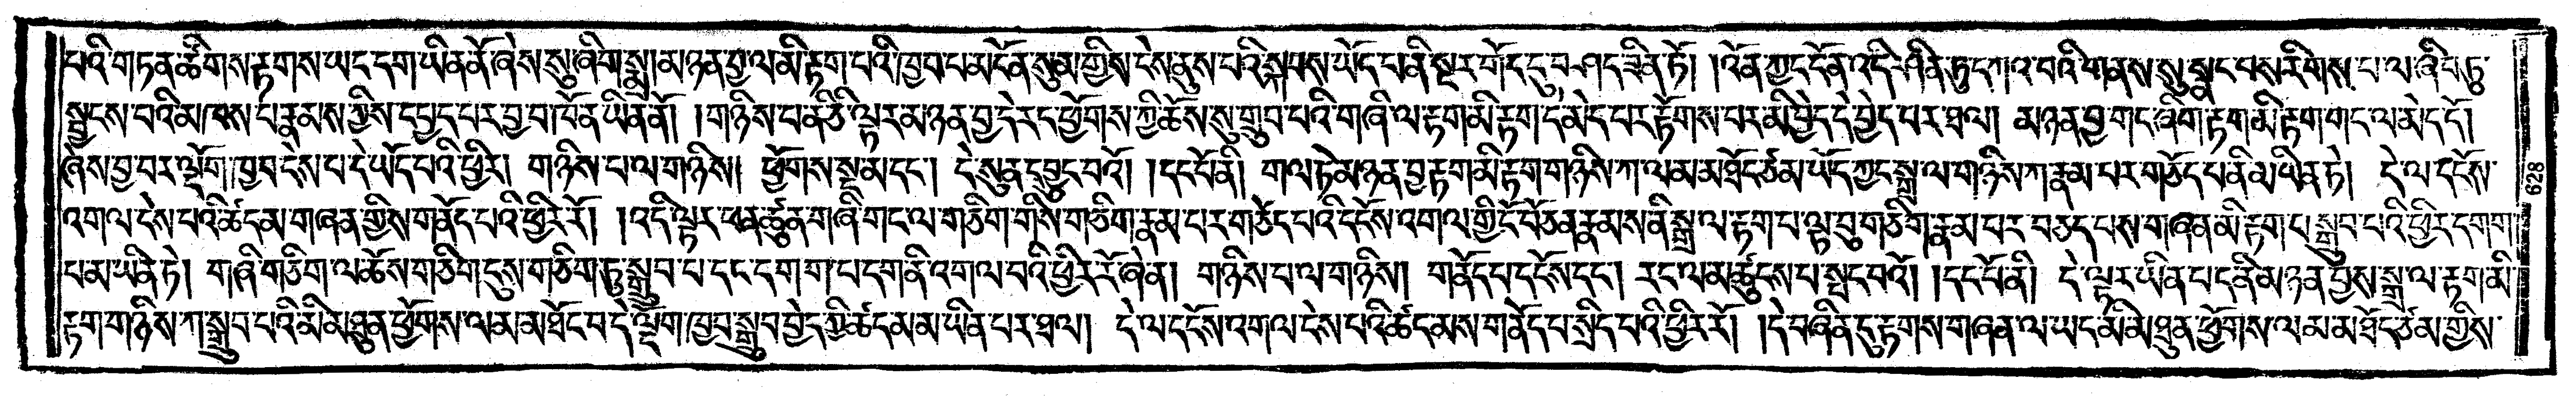པའི་གཏན་ཚིགས་རྟགས་ཡང་དག་ཡིན་ནོ་ཞེས་སུ་ཞིག་སྨྲ། མཉན་བྱ་ལ་མི་རྟག་པའི་ཁྱབ་པ་མངོན་སུམ་གྱིས་ངེས་ནུས་པའི་སྐབས་ཡོད་པ་ནི་སྔར་གོང་དུ་བཤད་ཟིན་ཏོ། །འོན་ཀྱང་དོན་འདི་ཤིན་ཏུ་དཀའ་བའི་གནས་སུ་སྣང་བས་རིགས་པ་ལ་ཞིབ་ཏུ་
སྦྱངས་པའི་མཁས་པ་རྣམས་ཀྱིས་དཔྱད་པར་བྱ་བ་ཁོ་ན་ཡིན་ནོ། །གཉིས་པ་ནི་ཅི་ལྟར་མཉན་བྱ་དེ་རང་ཕྱོགས་ཀྱི་ཆོས་སུ་གྲུབ་པའི་གཞི་ལ་རྟག་མི་རྟག་དེ་མེད་པར་རྟོགས་པར་མི་བྱེད་དེ་བྱེད་པར་ཐལ། མཉན་བྱ་གང་ཞིག་རྟག་མི་རྟག་གང་ལ་མེད་དོ།
ཞེས་བྱ་བར་ལྡོག་ཁྱབ་ངེས་པ་དེ་ཡོད་པའི་ཕྱིར། གཉིས་པ་ལ་གཉིས། ཕྱོགས་སྔ་མ་དང་། དེ་སུན་དབྱུང་བའོ། །དང་པོ་ནི། གལ་ཏེ་མཉན་བྱ་རྟག་མི་རྟག་གཉིས་ཀ་ལ་མ་མཐོང་ཙམ་ཡོད་ཀྱང་སྒྲ་ལ་གཉིས་ཀ་རྣམ་པར་གཅོད་པ་ནི་མ་ཡིན་ཏེ། དེ་ལ་དངོས་
འགལ་ངེས་པའི་ཚད་མ་གཞན་གྱིས་གནོད་པའི་ཕྱིར་རོ། །འདི་ལྟར་ཕན་ཚུན་གཞི་གང་ལ་གཅིག་གིས་གཅིག་རྣམ་པར་གཅོད་པའི་དངོས་འགལ་གྱི་ངོ་བོ་ཅན་རྣམས་ནི་སྒྲ་ལ་རྟག་པ་ལྟ་བུ་གཅིག་རྣམ་པར་བཅད་པས་གཞན་མི་རྟག་པ་སྒྲུབ་པའི་ཕྱིར་དགག་
པ་མ་ཡིན་ཏེ། གཞི་གཅིག་ལ་ཆོས་གཅིག་དུས་གཅིག་ཏུ་སྒྲུབ་པ་དང་དགག་པ་དག་ནི་འགལ་བའི་ཕྱིར་རོ་ཞེ་ན། གཉིས་པ་ལ་གཉིས། གནོད་པ་དངོས་དང་། རང་ལ་མཚུངས་པ་སྤང་བའོ། །དང་པོ་ནི། དེ་ལྟར་ཡིན་པ་ད་ནི་མཉན་བྱས་སྒྲ་ལ་རྟག་མི་
རྟག་གཉིས་ཀ་སྒྲུབ་པའི་མི་མཐུན་ཕྱོགས་ལ་མ་མཐོང་བ་དེ་ལྡོག་ཁྱབ་སྒྲུབ་བྱེད་ཀྱི་ཚད་མ་མ་ཡིན་པར་ཐལ། དེ་ལ་དངོས་འགལ་ངེས་པའི་ཚད་མས་གནོད་པ་སྲིད་པའི་ཕྱིར་རོ། །དེ་བཞིན་དུ་རྟགས་གཞན་ལ་ཡང་མི་མཐུན་ཕྱོགས་ལ་མ་མཐོང་ཙམ་གྱིས་